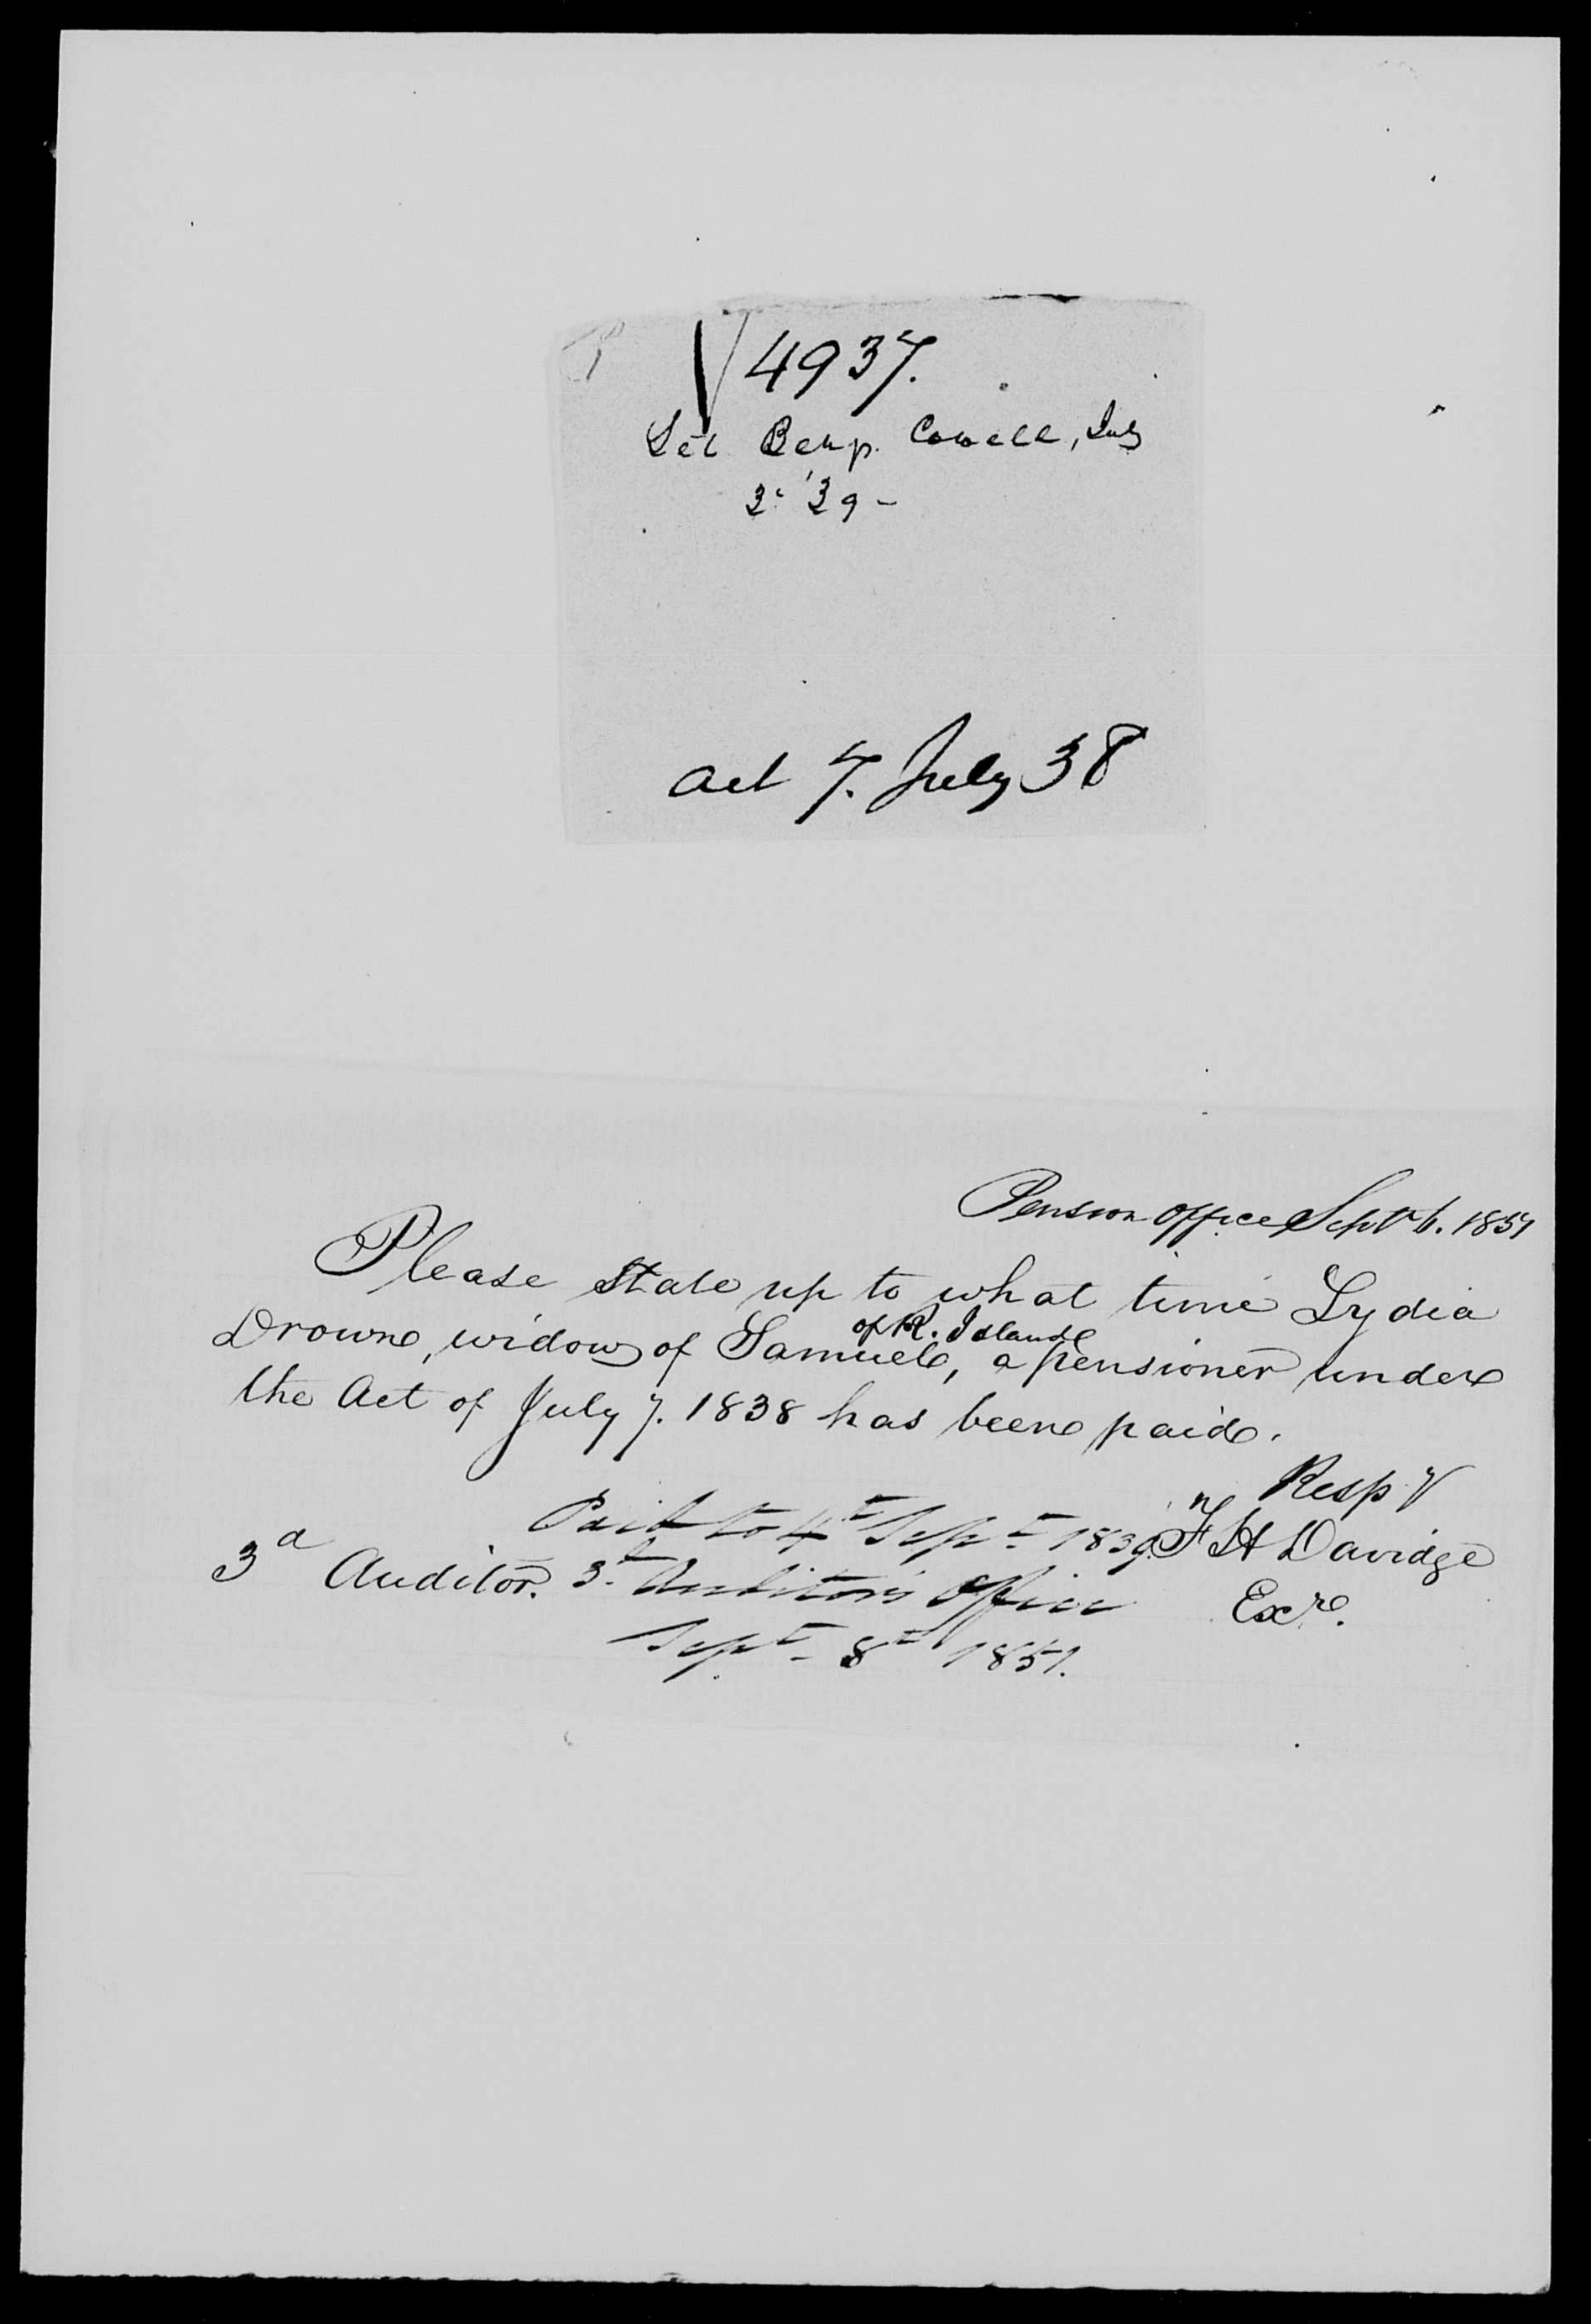4937.
Set Benj. Cowell, Jus
2 - '39 -

Ad 7 July 38

Pension Office Sept. 6 1859

Please state up to what time Lydia Drown, widow of Samuel, of R. Island & a pensioner under the
Act of July 7. 1838 has been paid.

Resp
FH Davidge Exr
3d Auditor.
Paid to 4th Sept 1839
3d Auditors Office
Sept 8th 1857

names: F H Davidge, Benj Cowell, Lydia Drown, Samuel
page: 18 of 31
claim: widow's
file: W 21004, Samuel Drown, R.I.